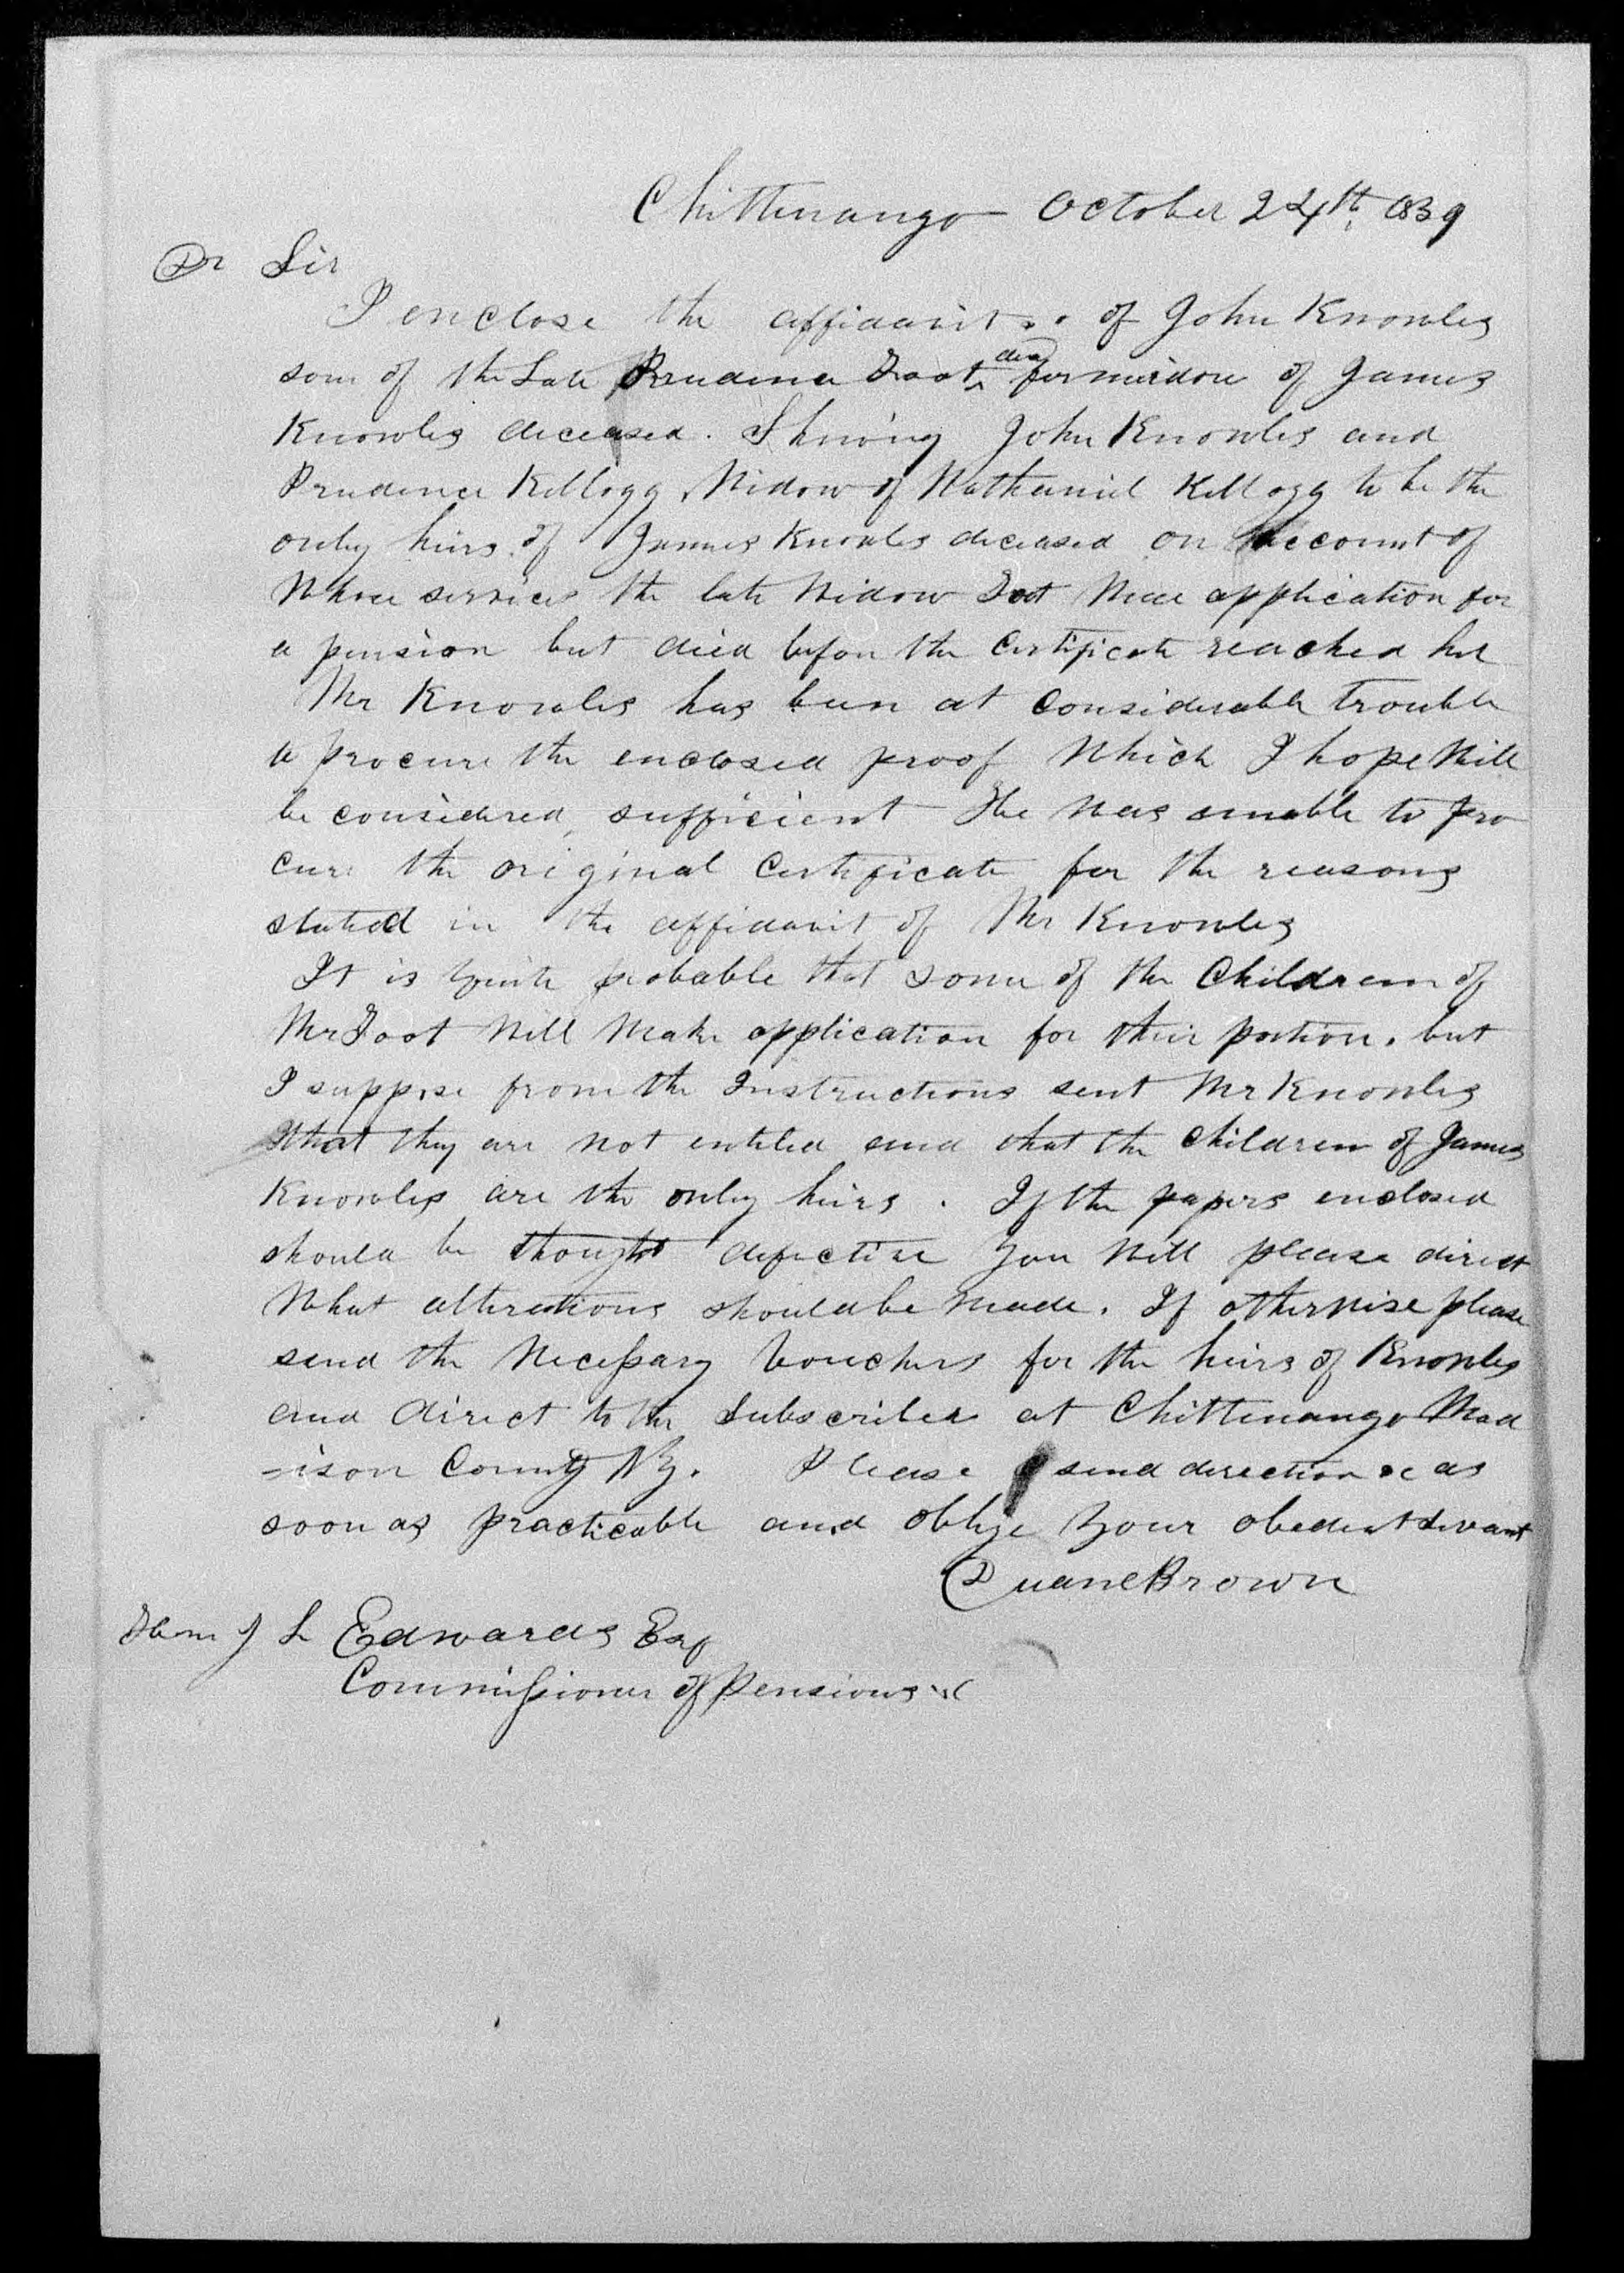Chittenango  October 24th, 1839

Dr Sir
I enclose the affidavit of John Knowles, son of the Late Prudence Foot due for widow of James Knowles deceased. Showing John Knowles and Prudence Kellogg, Widow of Nathaniel Kellogg to be the only heirs of James Knowles deceased on account of Whose service the late widow Foot made application for a pension but died before the Certificate reached her  Mr Knowles has been  at considerable trouble to procure the enclosed proof which I hope will be considered sufficient  She was unable to procure the original certificate for the reasons stated in the affidavit of Mr Knowles  It is quite probable that some of the Children of Mr. Foot will make application for their portion, but I suppose from the Instructions sent Mr. Knowles that they are not entiled and that the children of James Knowles are the only heirs. If the papers enclosed should be thought defective you will please direct what alterations should be made. If otherwise please send the necessary vouchers for the heirs of Knowles and direct to the subscribed at Chittenango Madison County NY. Please send direction &c. as soon as practicable and oblige Your obedient servant
Duane Brown

(illegible abbreviation) J L Edwards Esq
Commissioner of Pensions &c.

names: John Knowles; Duane Brown; J L Edwards; [BLANK] Foot; Prudence Kellogg; James Knowles; Nathaniel Kellogg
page: 39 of 60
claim: widow's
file: W. 14,036, for James Knowles, Connecticut